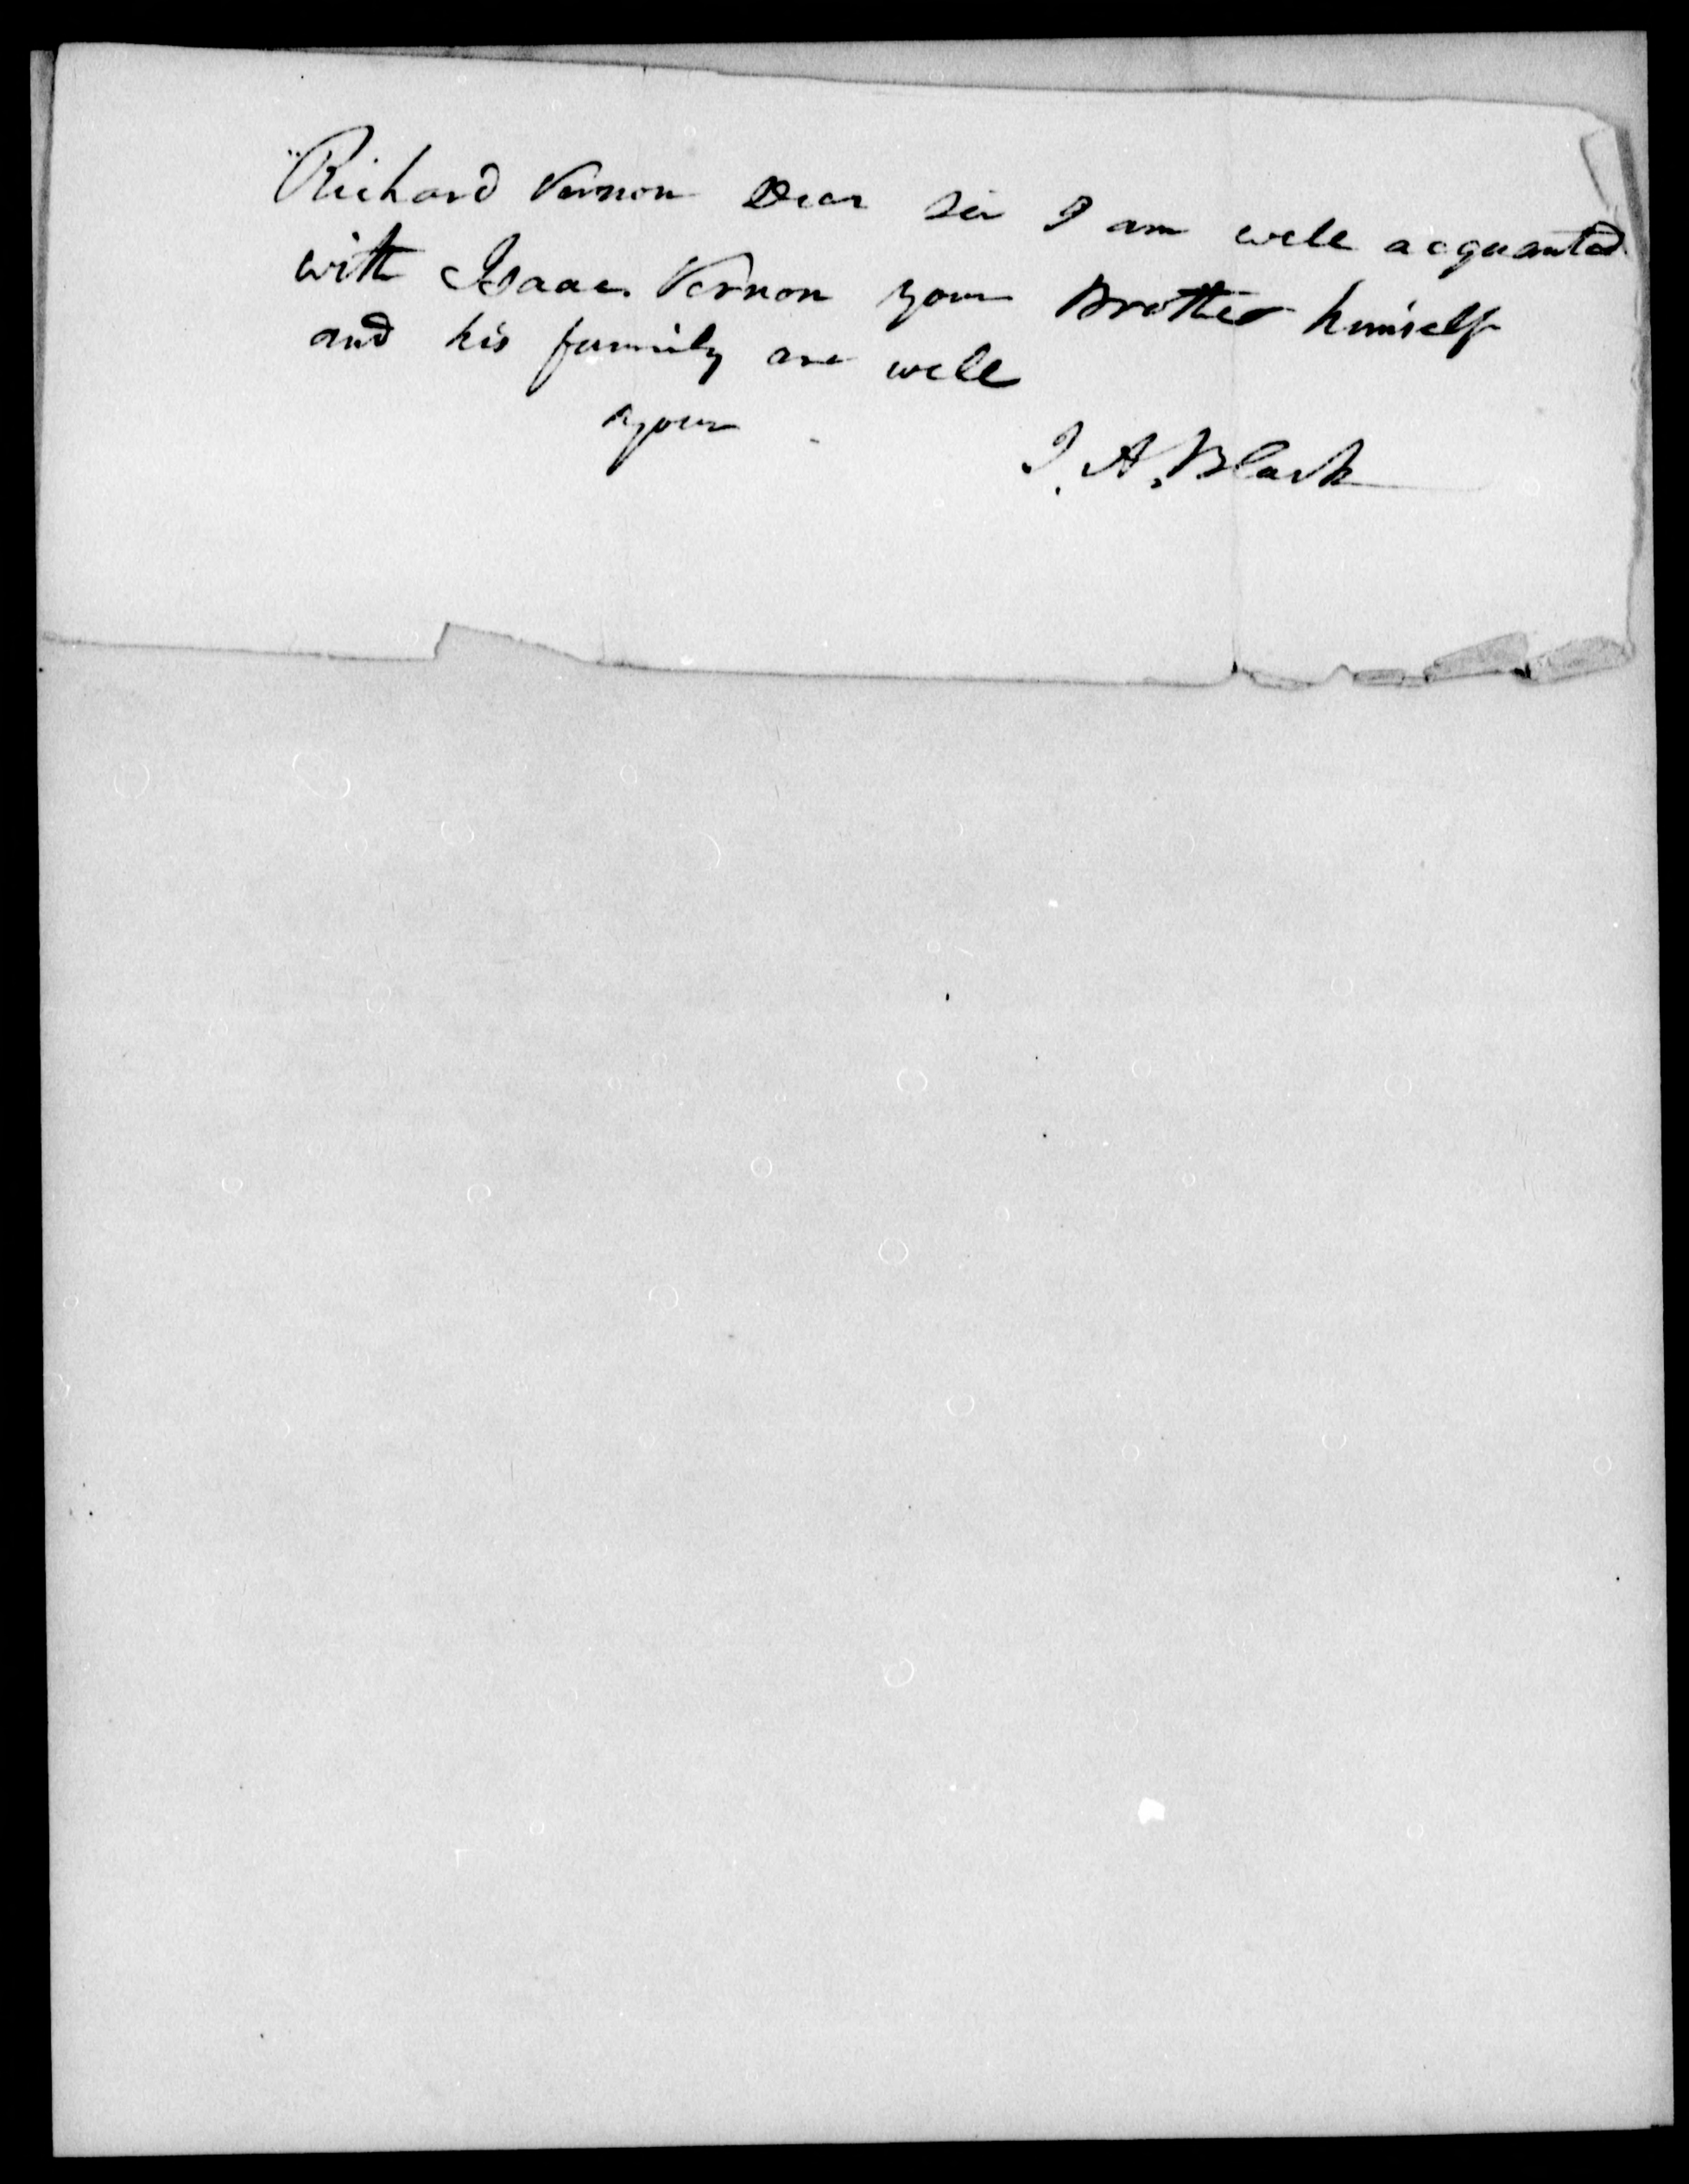Richard Vernon. Dear Sir I am well acquainted with Isaac Vernon your brother himself and his family are well
Yours
J. A. Black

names: Richard Vernon, Isaac Vernon, J A Black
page: 3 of 105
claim: survivor's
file: S. 1883, Richard Vernon, N.C.